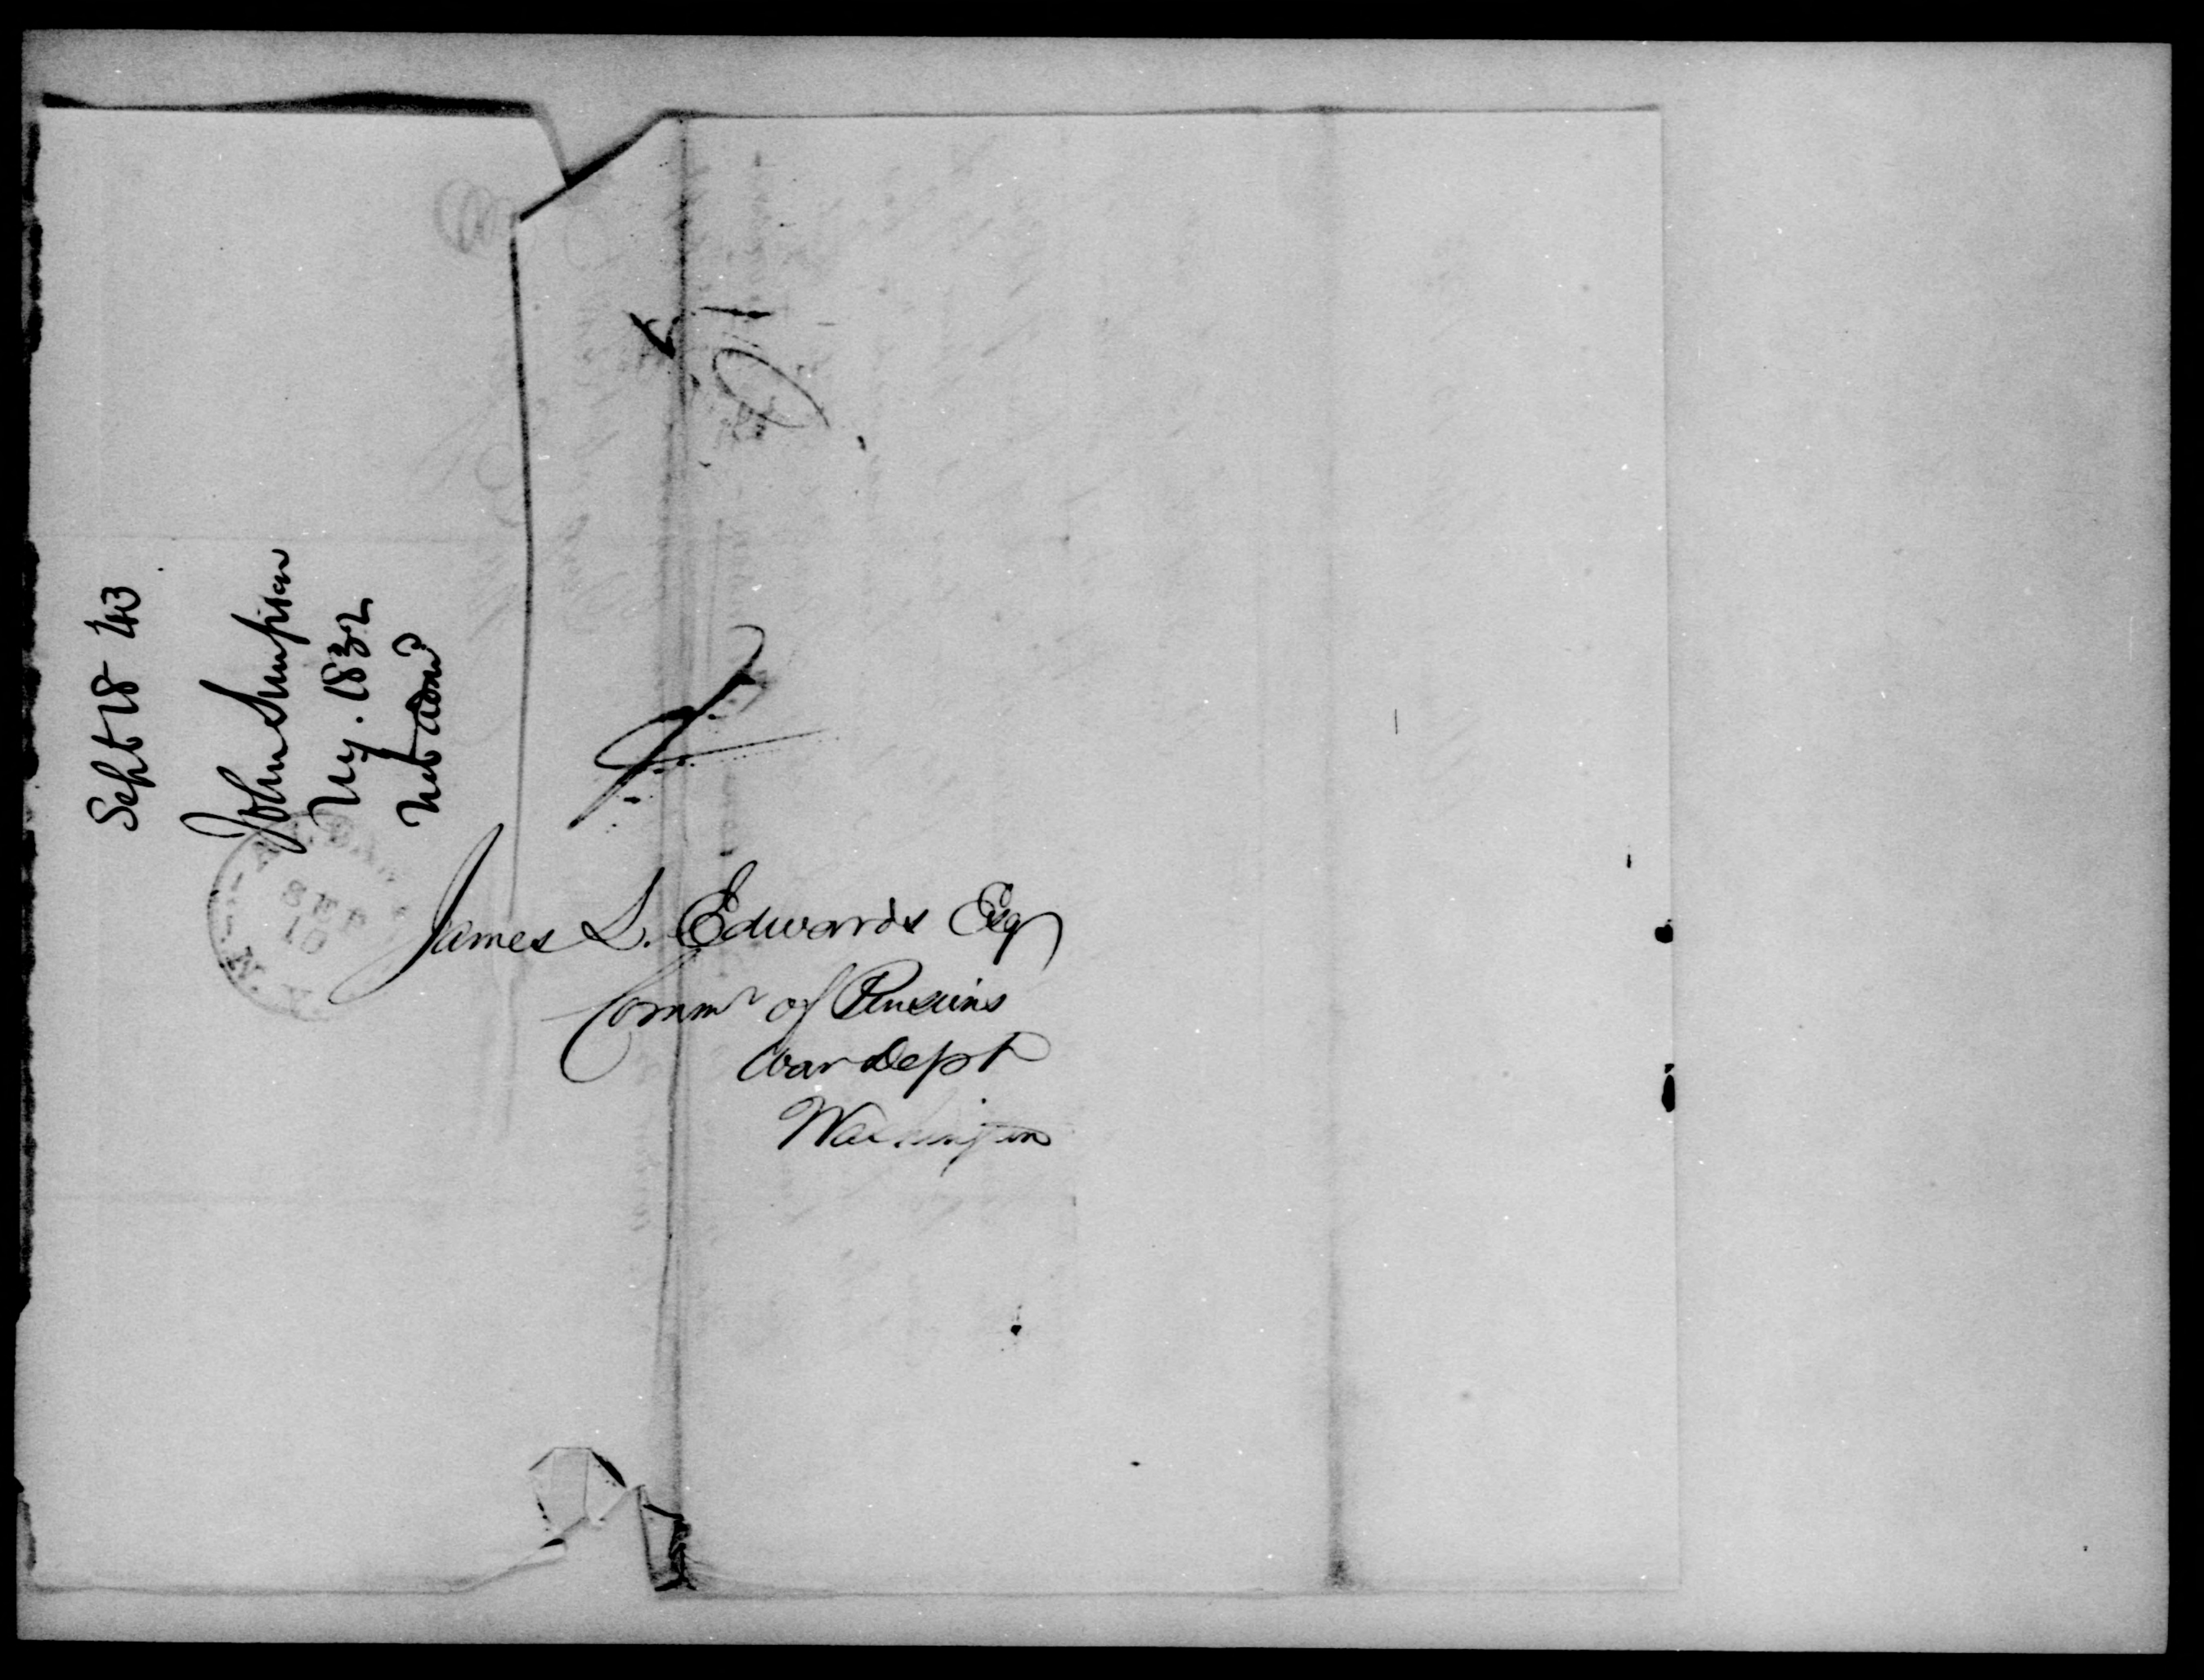John Simpson 
NY 1832 
Not Done
Sept 1843
by
James L. Edwards E
Com of Pensions
War Dept
Washington

[date stamp]
SEP 10 1843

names: John Simpson; James L Edwards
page: 23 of 35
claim: rejected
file: R. 9601, for John Simson, New Jersey